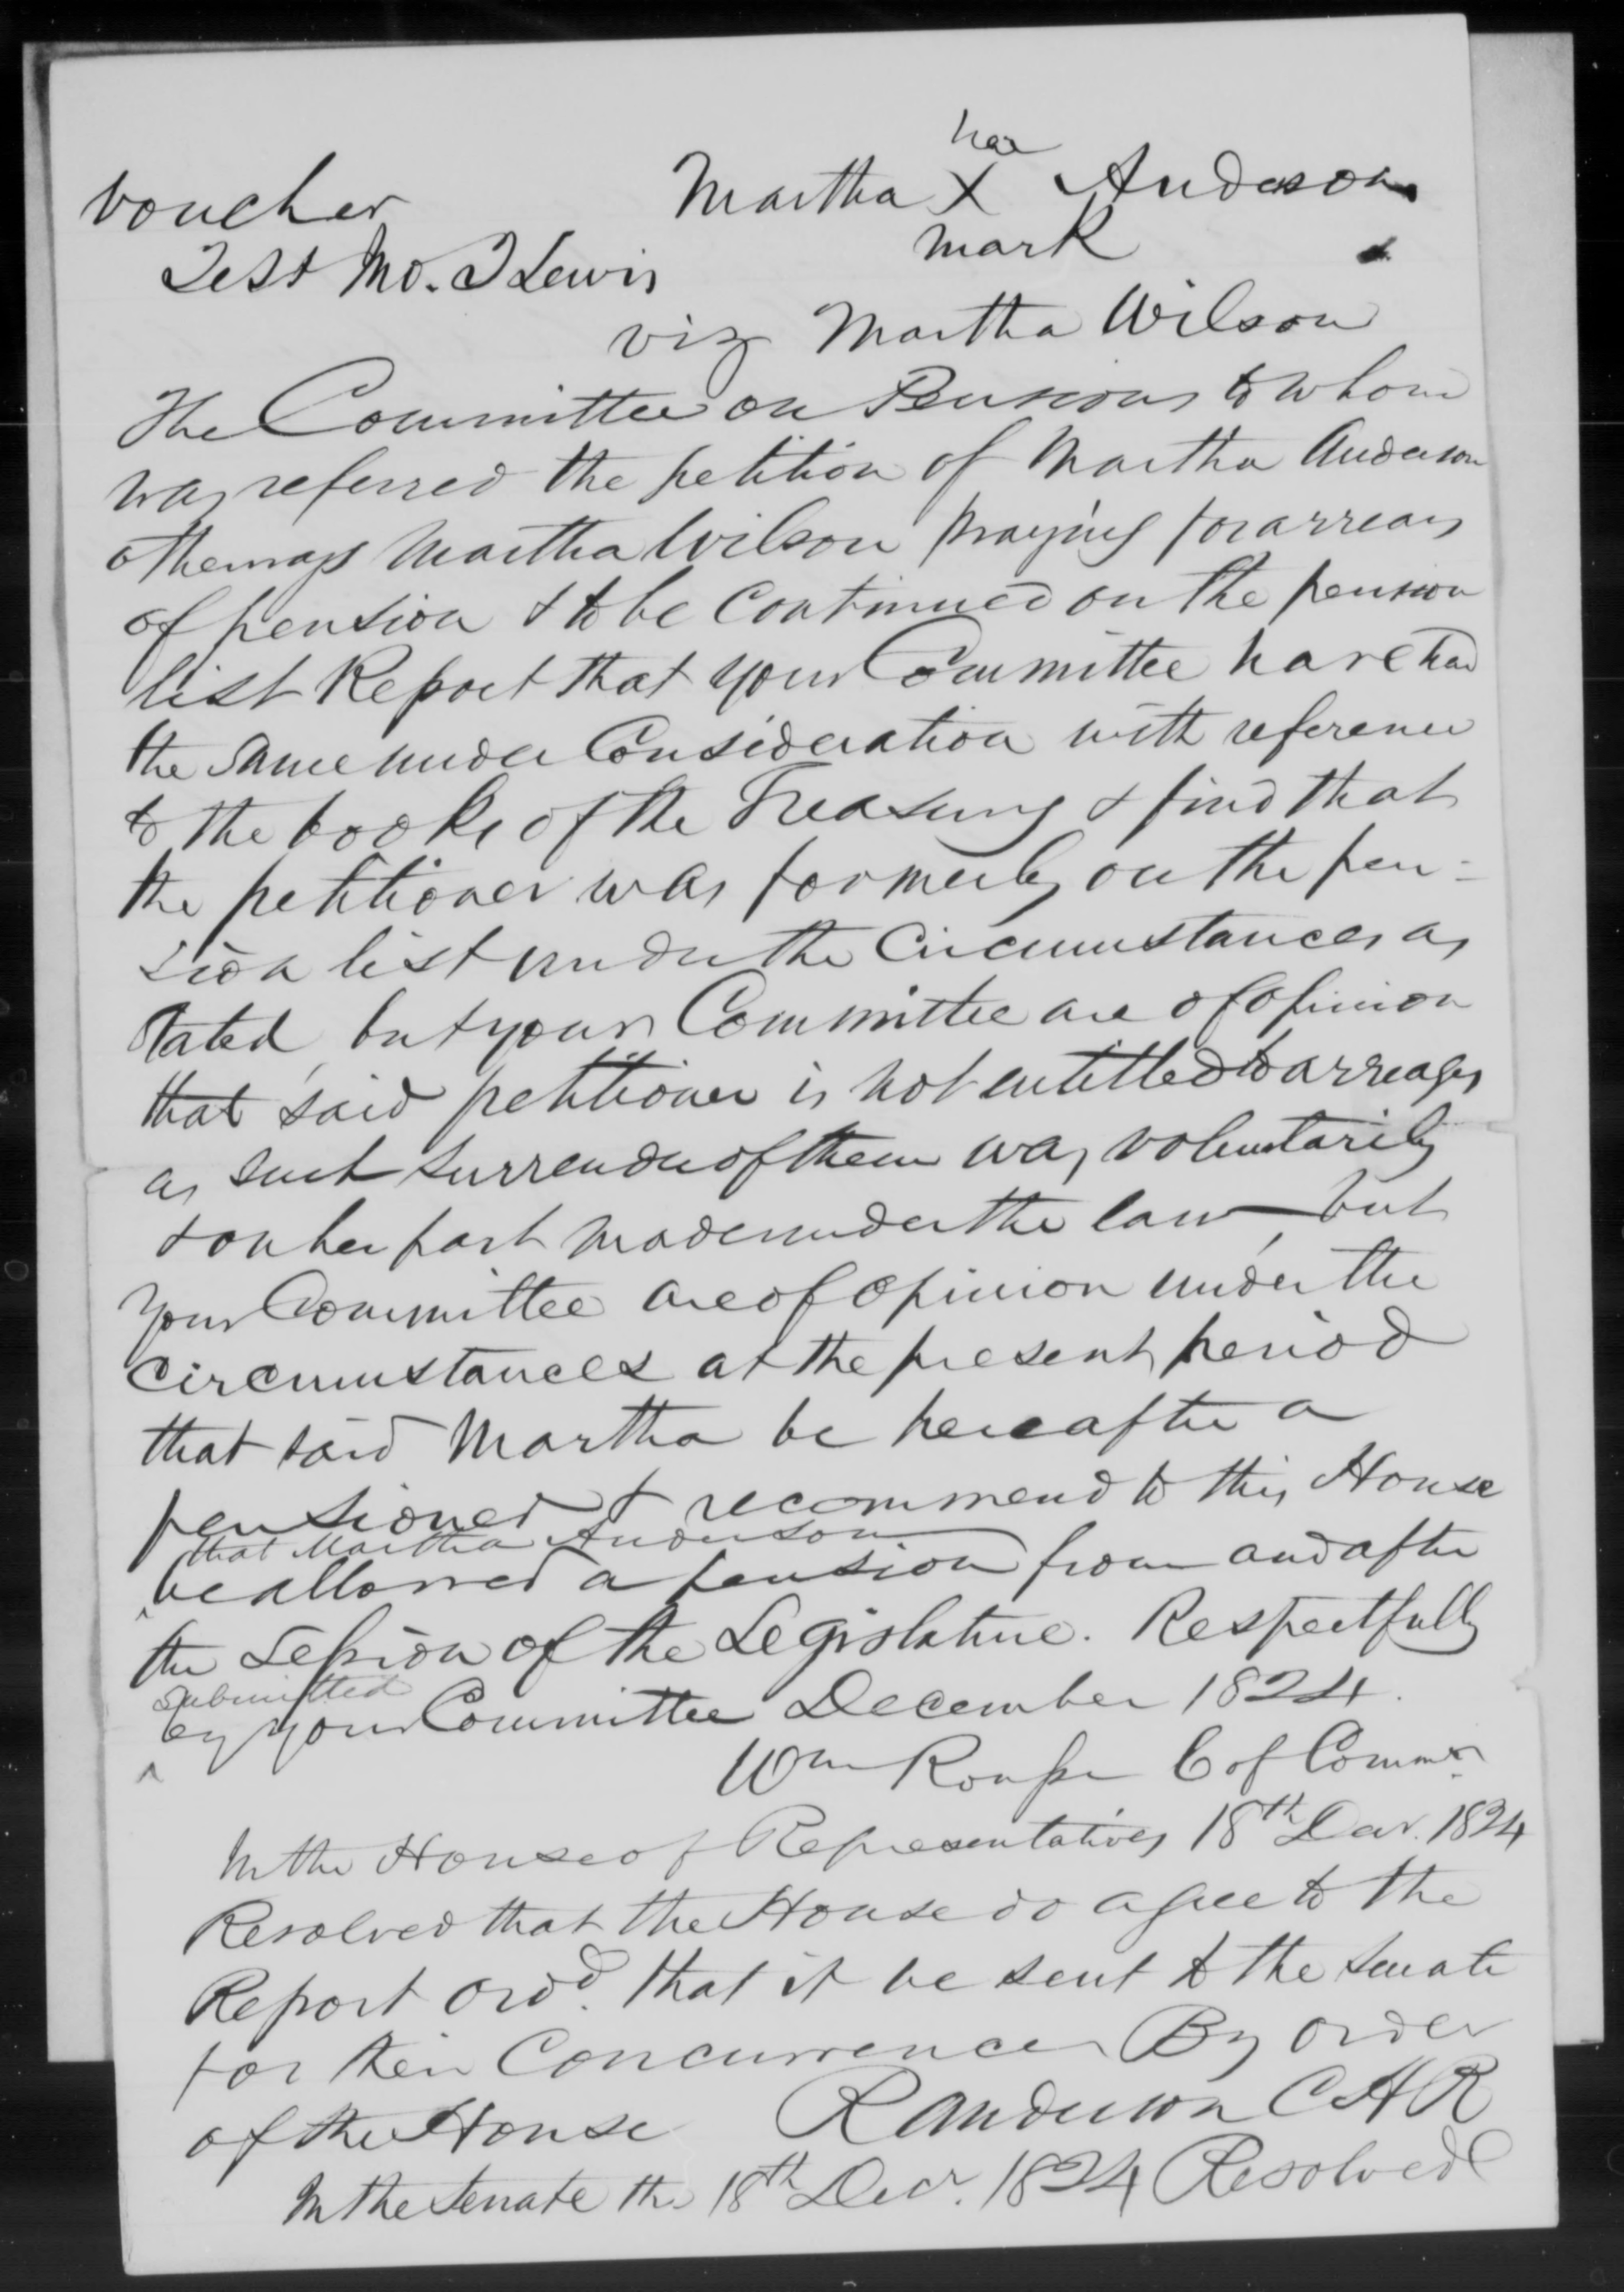Martha Anderson  X  her mark
viz  Martha Wilson 

voucher
Test Jno. T Lewis


The Committee on Pensions to whom 
was referred the petition of Martha Anderson 
otherways Martha Wilson praying for arrears
of pension & to be continued on the pension 
list Report that your Committee have had 
the same under consideration with reference
to the book of the Treasury & find that 
the petitioner was formerly on the pension 
list under the circumstances as 
stated but your Committee are of opinion
that said petitioner is not entitled to arrears
as such surrender of them was voluntarily
& on her part made under the law, but
your Committee are of opinion under the 
circumstances at the present period
that said Martha be hereafter a 
pensioner & recommend to this House 
that Martha Anderson 
be allowed a pension from and after
the Session of the Legislature.  Respectfully
submitted by your Committee December 1824

Wm Rousse C of Commr

In the House of Representatives 18th Jan. 1824
Resolved that the House so agree to the 
Report ordd. that it be sent to the Senate
for their concurrence  By order
of the House 
R Anderson C H R
In the Senate the 18th Decr. 1824  Resolved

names: R Anderson, Jno T Lewis, Wm Roupe, Martha Anderson, Martha Wilson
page: 8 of 18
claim: rejected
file: R. 195, James Wilson, S. C.